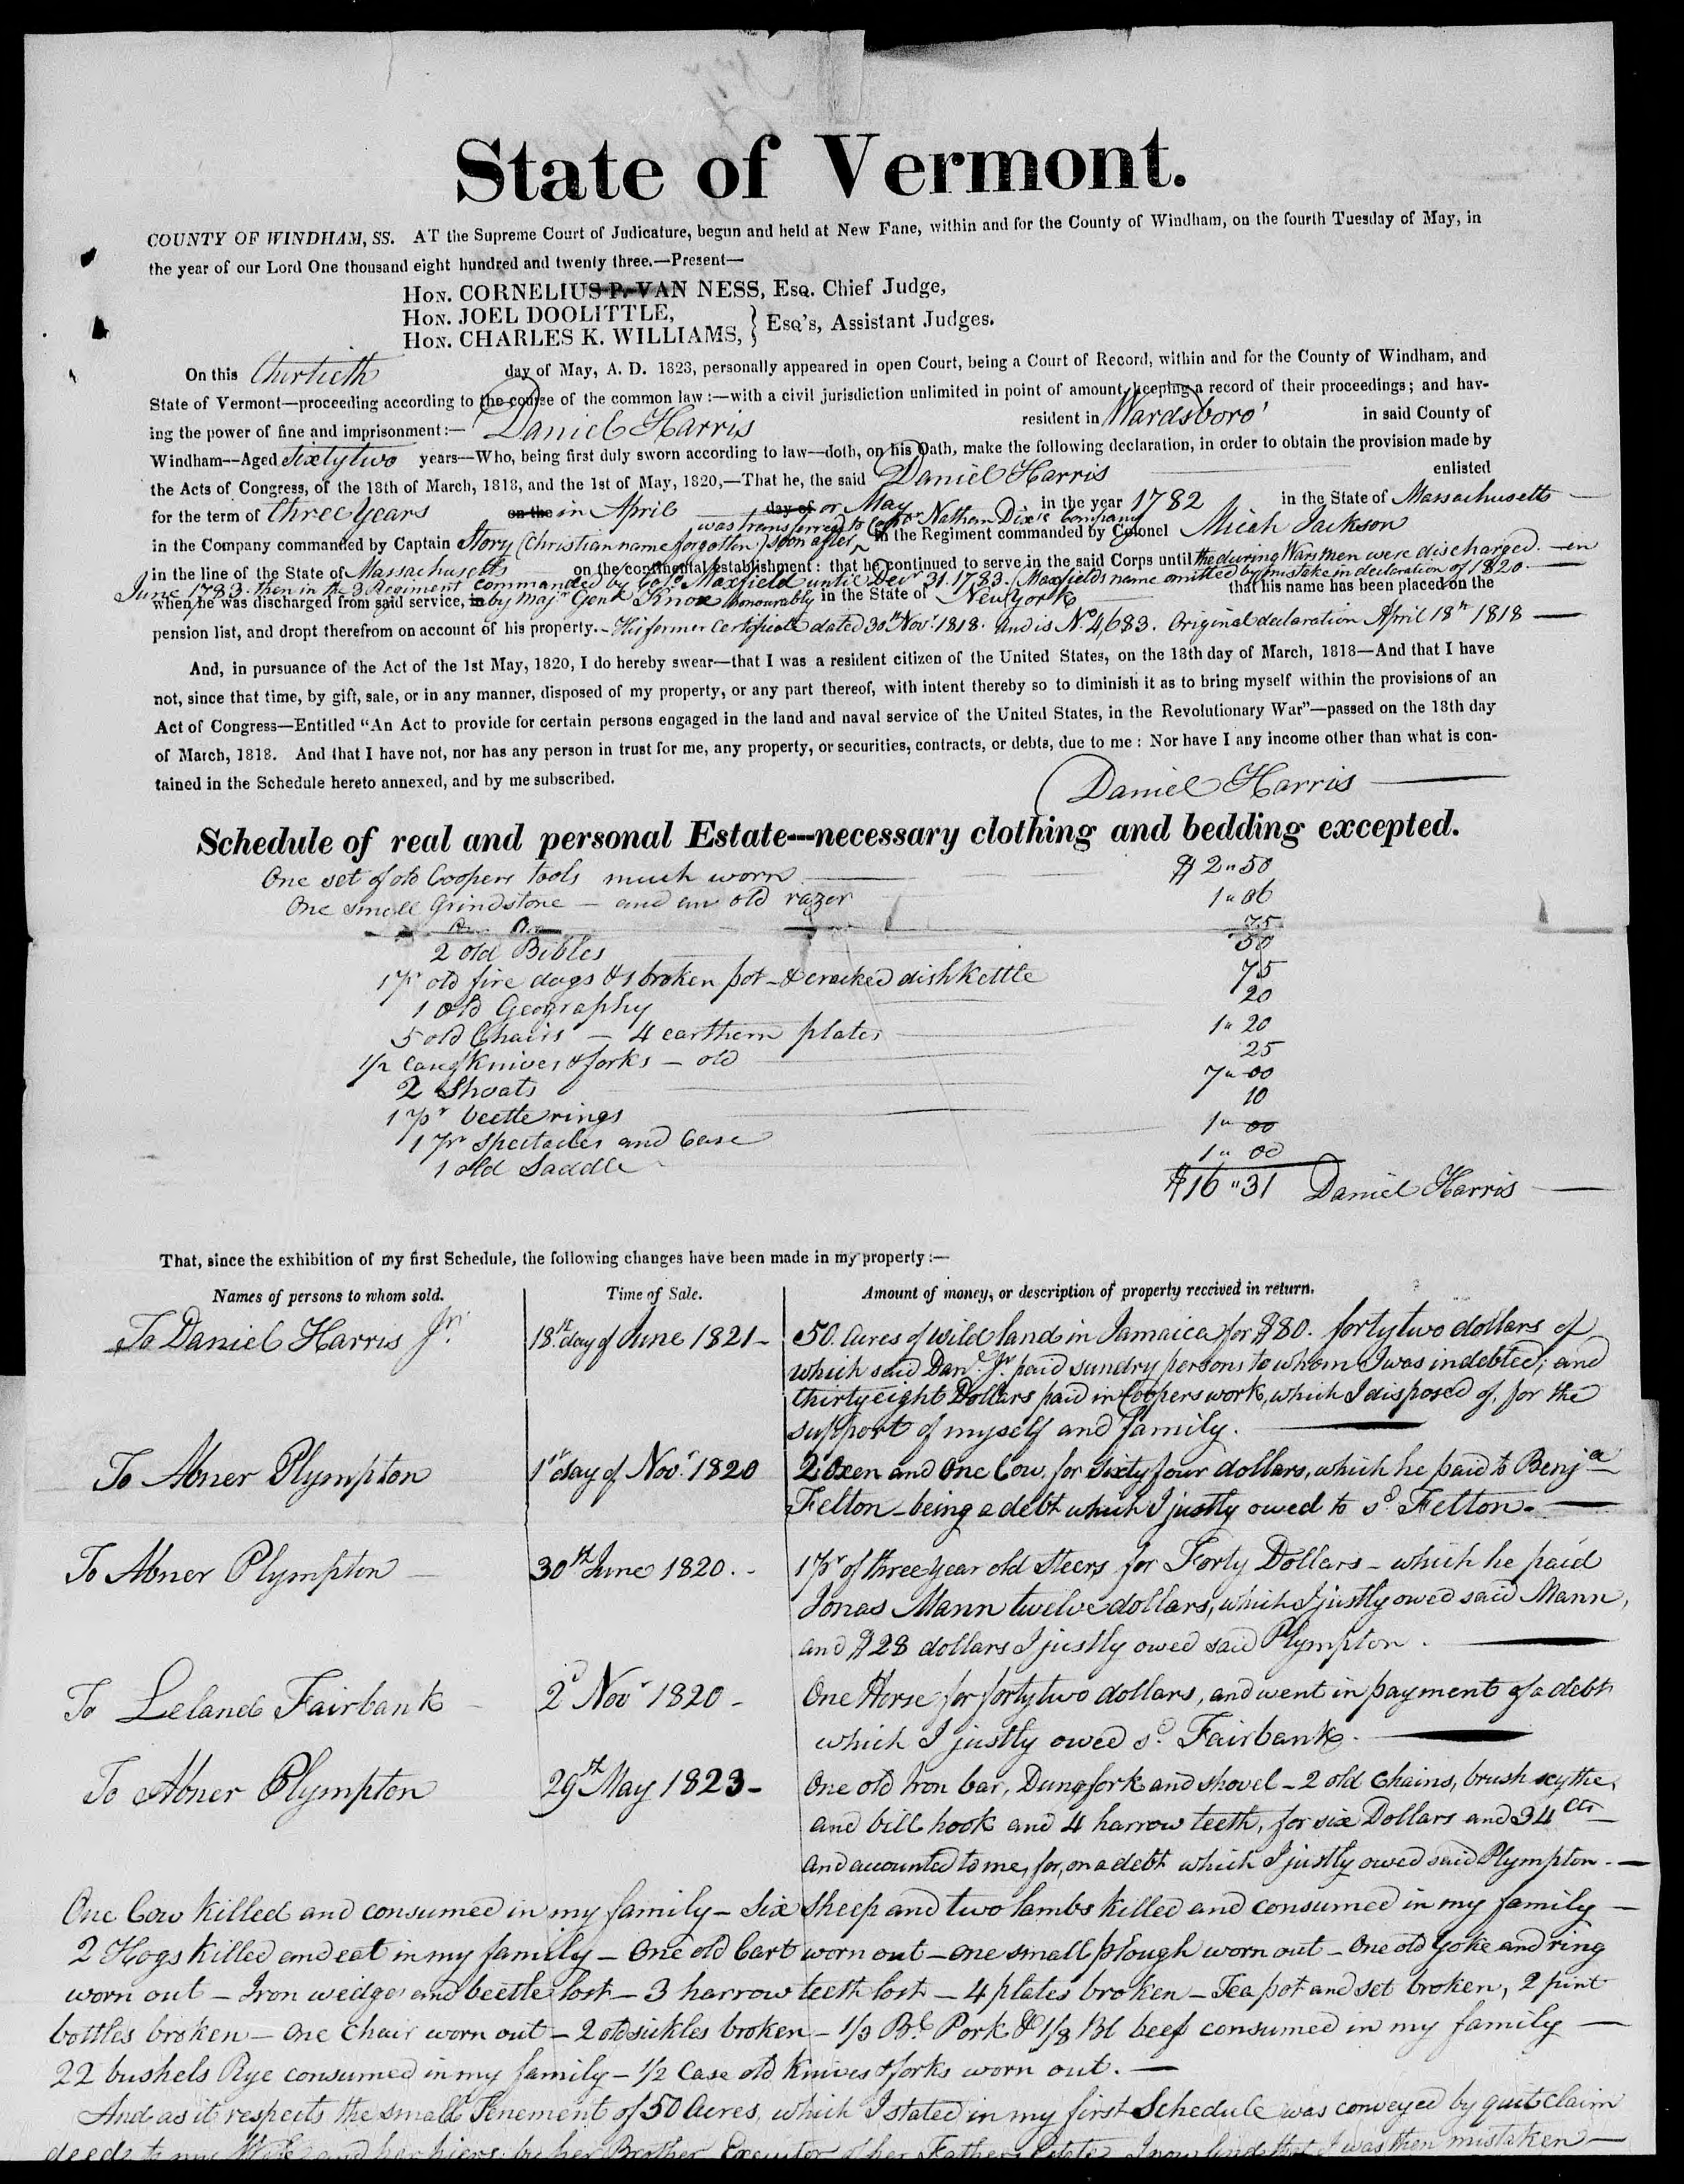State of Vermont
Hon. Cornelius P. Van Ess, Esq. Chief Judge, 
Hon. Joel Doolittle, Esq,.  Assistant Judge
Hon. Charles K. Williams, Esq. Assistant Judge

On this thirtieth day of May, A.D. 1832, personally appeared in open Court, being a Court of Record, within and for the County of Windham and State of Vermont - proceeding according to the course of the common law : with a civil jurisdiction unlimited in point of keeping a record of their proceedings; and having the power of fine and imprisonment - Daniel Harris resident in Wardsboro in said County of Windham - Aged Sixty two years - Who, being first duly sworn according to law - doth, on his Oath, make the following declaration, in order to obtain the provision made by the Acts of Congress, of the 18th of March, 1818, and the 1st of May, 1820, - That he, the said Daniel Harris enlisted for the term of three years in April or May in the year 1782 in the State of Massachusetts in the Company commanded by Captain Story (Christian name forgotten) was transferred soon after to Captain Nathan Dixe's Company in the Regiment commanded by Colonel Michael Jackson in the line of the State of Massachusetts on the continental establishment : that he continued to serve in the said Corps until the during Wars men were discharged in June 1783.  Then in the 3 Regiment commanded by Col. Maxfield until Dec 31 1783. (Maxfield's name omitted by mistake in declaration of 1820) when he was discharged from said service, by Major Gen Knox honourably in the State of New York that his name has been placed on the pension list, and dropt therefrom on account of his property.  His former certificated dated 30th Nov. 1818 and is No. 4,683.   Original declaration April 18th 1818

And, in pursuance of the Act of 1st May, 1820, I do hereby swear - that I was a resident citizen of the United States, on the 18 day of March, 1818, And that I have not, since that time, by gift, sale, or in any manner, disposed of my property, or any part thereof, with intent thereby so to diminish it as to bring myself within the provisions of an Act of Congress - Entitled "An Act to provide for certain persons engaged in the land and naval  service of the United States, in the Revolutionary War" - passed on the 18th day of March, 1818. And I have not, nor has any person in trust for me, any property, or securities, contracts, or debts, due to me : Nor have I an income other than what is contained in the Schedule hereto annexed, and by me subscribed. 

Schedule of real and personal Estate -- necessary clothing and bedding excepted. 

One set of (?) Coppers tools much worn $2.50
One small Grindstone and one old razor $1.06
[illegible]  $.75
2 old Bibles  $.50
1 yr old fire dogs & broken pot & cracked dish Kettle $.75
1 old Geography $.20
5 old Chairs - 4 earthen plates $1.20
2 (Shoats?) $.10
1 (?) beetle rings $1.00
1 (?) Spectacles and case $1.00
1 old Saddle $1.00
TOTAL $16.31

Signature of Daniel Harris

That, since the exhibition of my first Schedule, the following changes have been made in my property :-

[Note: the following three columns will be listed for each person:  
Name of Person to whom sold, 
Time of Sale, and 
Amount of Money or Description of Property Received in Return]

To Daniel Harris Jr.  18th day of June 1821,  to Acres of wild land in Jamaica for $80. Forty two dollars of which said Danl Jr. paid sundry persons to whom I was indebted; and thirty eight Dollars paid in Coopers work, which I disposed of, for the support of myself and family. 

To Abner Plympton  1st day of Nov. 1820  2 Oxen and one Cow for Sixty four dollars, which he paid to Benj. Felton being a debt which I justly owed to Felton

To Abner Plympton  30th June 1820  17 of three year old Steers for Forty Dollars - which he paid Jonas Mann twelve dollars, which I justly owed said Mann, and $28 dollars I justly owed said Plympton. 

To Leland Fairbank  2 Nov 1820 - One Horse for forty two dollars, and went in payment of a debt which I justly owed said Fairbank.

To Abner Plympton  29th May 1823  - One old Iron bar, Dungfork and shove, 2 old chairs, brush scythe, and bill hook and 4 harrow teeth, for six Dollars and 34 cents and accounted to me, for a debt which I justly owed said Plympton. 

One cow killed and consumed in my family - Six Sheep and two lambs killed and consumed in my family - 2 Hogs killed and eat in my family - One old Cart worn out - one small plough worn out - On old Yoke and ring worn out - Iron wedge and beetle lost - 3 harrow teeth lost - 4 plates broken - Tea pot and set broken, 2 pint bottles broken - one chair worn out - 2 old sickles broken - 1/3 (?) Pork - 1/8 (?) beef consumed in my family  - 22 bushels Rye consumed in my family - 1/2 case old knives & forks worn out. 

And as it respects the small Tenement of 20 Acres which I stated in first Schedule was conveyed by quit claim deed to my wife and her heirs by her Brother Executor & her Fathers Estate I now find that I was then mistaken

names: Daniel Harris, Fairbank, Abner Plympton, Maxfield, Micah Jackson, Plympton, Knox, Leland Fairbank, Daniel Harris, Abner Plympton, Plympton, Daniel Harris, Abner Plympton, Cornelius P Van Ness, Benja Felton, Danl, Felton, Daniel Harris, Charles K Williams, Daniel Harris, Jonas Mann, Maxfield, Joel Doolittle, Mann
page: 52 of 68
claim: survivor's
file: S. 29,877, Daniel Harris, Mass.